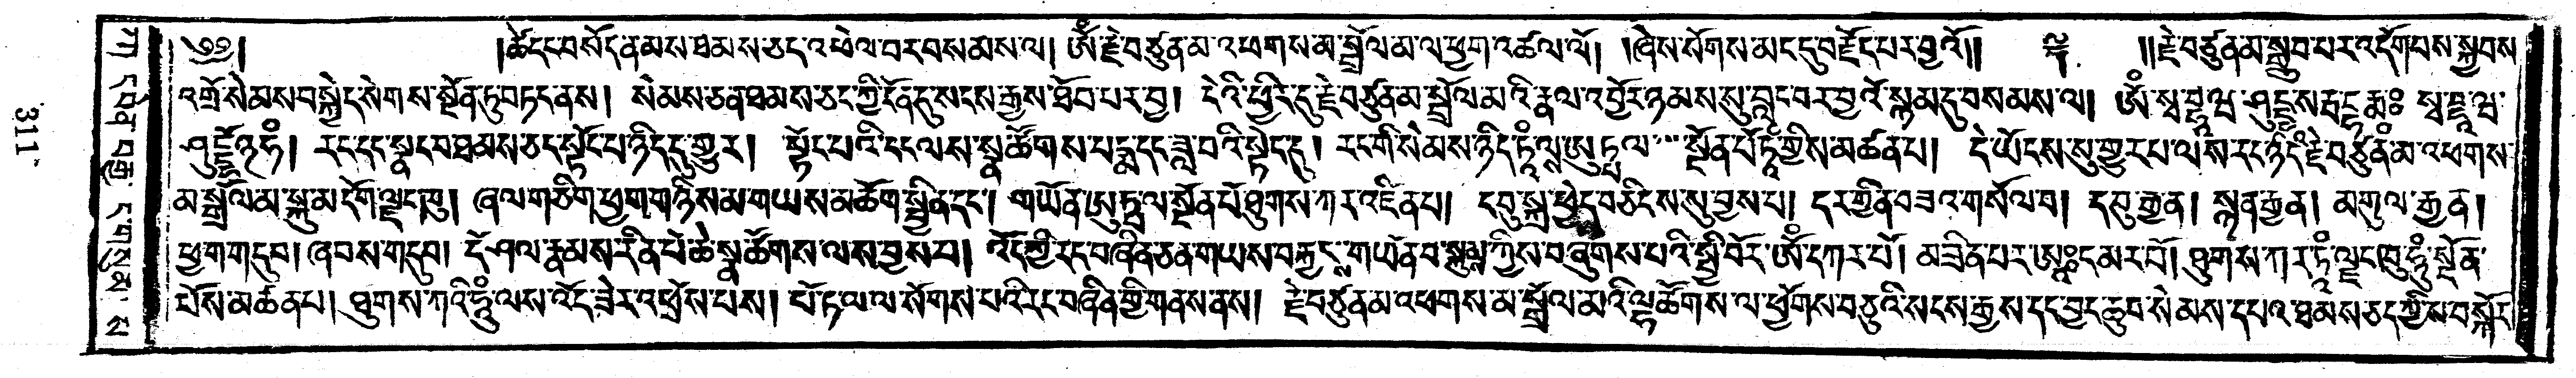༄༅། །ཚེ་དང་བསོད་ནམས་ཐམས་ཅད་འཕེལ་བར་བསམས་ལ། ཨོཾ་རྗེ་བཙུན་མ་འཕགས་མ་སྒྲོལ་མ་ལ་ཕྱག་འཚལ་ལོ། །ཞེས་སོགས་མང་དུ་བརྗོད་པར་བྱའོ།། ༈ །།རྗེ་བཙུན་མ་སྒྲུབ་པར་འདོག་པས་སྐྱབས་
འགྲོ་སེམས་བསྐྱེད་སེགས་སྔོན་ཏུ་བཏད་ནས། སེམས་ཅན་ཐམས་ཅད་ཀྱི་དོན་དུ་སངས་རྒྱས་ཐོབ་པར་བྱ། དེའི་ཕྱིར་དུ་རྗེ་བཙུན་མ་སྒྲོལ་མའི་རྣལ་འབྱོར་ཉམས་སུ་བླང་བར་བྱའོ་སྙམ་དུ་བསམས་ལ། ཨོཾ་སྭ་བྷཱ་ཝ་ཤུདྡྷ་སརྦ་དྷརྨཿ སྭ་བྷཱ་ཝ་
ཤུདྡྷོ་ཉ་ཧཾ། རང་དང་སྣང་བ་ཐམས་ཅད་སྟོང་པ་ཉིད་དུ་གྱུར། སྟོང་པའི་ངང་ལས་སྣ་ཚོགས་པདམ་དང་ཟླ་བའི་སྟེང་དུ། རང་གི་སེམས་ཉིད་ཏཱཾ་ལས་ཨུཏྤལ་སྔོན་པོ་ཏཱཾ་གྱིས་མཚན་པ། དེ་ཡོངས་སུ་གྱུར་པ་ལས་རང་ཉིད་རྗེ་བཙུན་མ་འཕགས་
མ་སྒྲོལ་མ་སྐུ་མདོག་ལྗང་ཁུ། ཞལ་གཅིག་ཕྱག་གཉིས་མ་གཡས་མཆོག་སྦྱིན་དང་། གཡོན་ཨུཏྤ་ལ་སྔོན་པོ་ཐུགས་ཀར་འཛིན་པ། དབུ་སྐྲ་ཕྱེད་བཅིངས་སུ་བྱས་པ། དར་གྱི་ན་བཟའ་གསོལ་བ། དབུ་རྒྱན། སྙན་རྒྱན། སྙན་རྒྱན། མགུལ་རྒྱན།
ཕྱ་ག་གདུབ། ཞབས་གདུབ། དོ་ཤལ་རྣམས་རིན་པོ་ཆེ་སྣ་ཚོགས་ལས་བྱས་པ། འོད་ཀྱི་རང་བཞིན་ཅན་གཡས་བརྐྱངས་གཡོན་པ་སྐུམས་ཀྱིས་བཞུགས་པའི་སྦྱི་བོར་ཨོཾ་དཀར་པོ། མ་ཟིན་པར་ཨཱཿ དམར་པོ། ཐུགས་ཀར་ཏཱཾ་ལྗང་ཁུ་ཧཱུཾ་སྔོན་
པོས་མཚན་པ། ཐུགས་ཀའི་ཧཱུཾ་ལས་འོད་ཟེར་འཕྲོས་པས། པོ་ཏ་ལ་ལ་སོགས་པའི་རང་བཞིན་གྱི་གནས་ནས། རྗེ་བཙུན་མ་འཕགས་མ་སྒྲོལ་མའི་ལྷ་ཚོགས་ལ་ཕྱོགས་བཅུའི་སངས་རྒྱས་དང་བྱང་ཆུབ་སེམས་དཔའ་ཐམས་ཅད་ཀྱི་ས་བསྐོར་